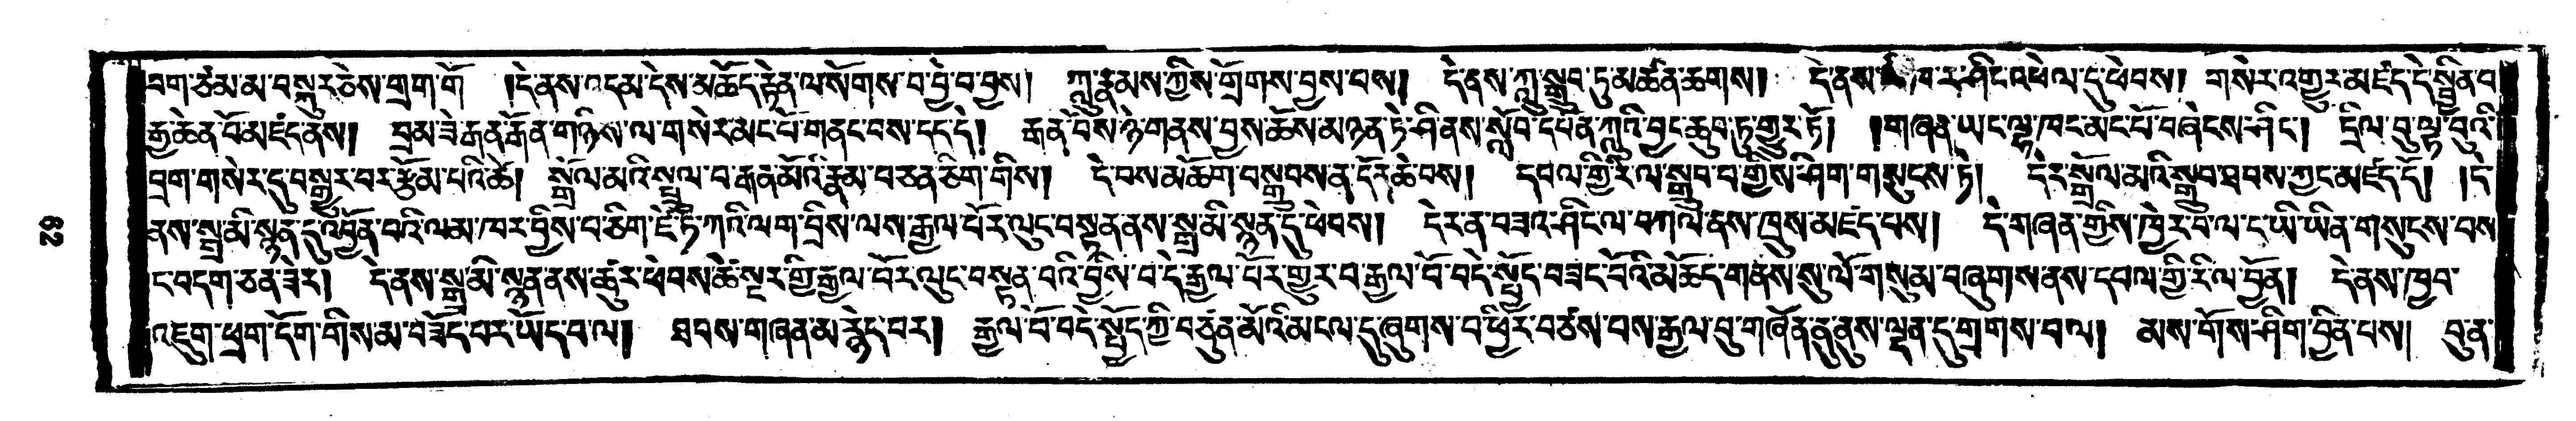བག་ཙམ་མ་བསྐུར་ཅེས་གྲག་གོ། །དེ་ནས་འདམ་དེས་མཆོད་རྟེན་ལ་སོགས་བ་བྱེ་བ་བྱས། ཀླུ་རྣམས་ཀྱིས་གྲོགས་བྱས་པས། དེ་ནས་ཀླུ་སྒྲུབ་ཏུ་མཚན་ཆགས། དེ་ནས་ལི་ཁ་ར་ཤིང་འཕེལ་དུ་ཕེབས། གསེར་འགྱུར་མཛད་དེ་སྦྱིན་པ་
རྒྱ་ཆེན་པོ་མཛད་ནས། བྲམ་ཟེ་རྒན་རྒོན་གཉིས་ལ་གསེར་མང་པོ་གནང་བས་དད་དེ། རྒན་བོས་ཉེ་གནས་བྱས་ཆོས་མཉན་ཏེ་ཤི་ནས་སློབ་དཔོན་ཀླུའི་བྱང་ཆུབ་ཏུ་གྱུར་ཏོ། །གཞན་ཡང་ལྷ་ཁང་མང་པོ་བཞེངས་ཤིང་། དྲིལ་བུ་ལྟ་བུའི་
བྲག་གསེར་དུ་བསྒྱུར་བར་རྩོམ་པའི་ཚེ། སྒྲོལ་མའི་སྤྲུལ་བ་རྒན་མོའི་རྣམ་པ་ཅན་ཅིག་གིས། དེ་བས་མཆོག་བསྒྲུབས་ན་དོན་ཆེ་བས། དཔལ་གྱི་རི་ལ་སྒྲུབ་པ་གྱིས་ཤིག་གསུངས་ཏེ། དེར་སྒྲོལ་མའི་སྒྲུབ་ཐབས་ཀྱང་མཛད་དོ། །དེ་
ནས་སྒྲ་མི་སྙན་དུ་འབྱོན་པའི་ལམ་ཁར་བྱིས་པ་ཅིག་ཛེ་ཏ་ཀའི་ལག་བྲིས་ལས་རྒྱལ་པོར་ལུང་བསྟན་ནས་སྒྲ་མི་སྙན་དུ་ཕེབས། དེར་ན་བཟའ་ཤིང་ལ་བཀལ་ནས་ཁྲུས་མཛད་པས། དེ་གཞན་གྱིས་ཁྱེར་བ་ལ་ང་ཡི་ཡིན་གསུངས་པས་
ང་བདག་ཅན་ཟེར། དེ་ནས་སྒྲ་མི་སྙན་ནས་ཚུར་ཕེབས་ཚེ་སྔར་གྱི་རྒྱལ་པོར་ལུང་བསྟན་པའི་བྱིས་པ་དེ་རྒྱལ་པོར་གྱུར་པ་རྒྱལ་པོ་བདེ་སྤྱོད་བཟང་པོའི་མཆོད་གནས་སུ་ལོ་གསུམ་བཞུགས་ནས་དཔལ་གྱི་རིལ་བྱོན། དེ་ནས་ཁྱབ་
འཇུག་ཕྲག་དོག་གིས་མ་བཟོད་པར་ཡོད་པ་ལ། ཐབས་གཞན་མ་རྙེད་པར། རྒྱལ་པོ་བདེ་སྤྱོད་ཀྱི་བཙུན་མོའི་མངལ་དུ་ཞུགས་པ་ཕྱིར་བཙས་པས་རྒྱལ་བུ་གཞོན་ནུ་ནུས་ལྡན་དུ་གྲགས་པ་ལ། མས་གོས་ཤིག་བྱིན་པས། བུ་ན་